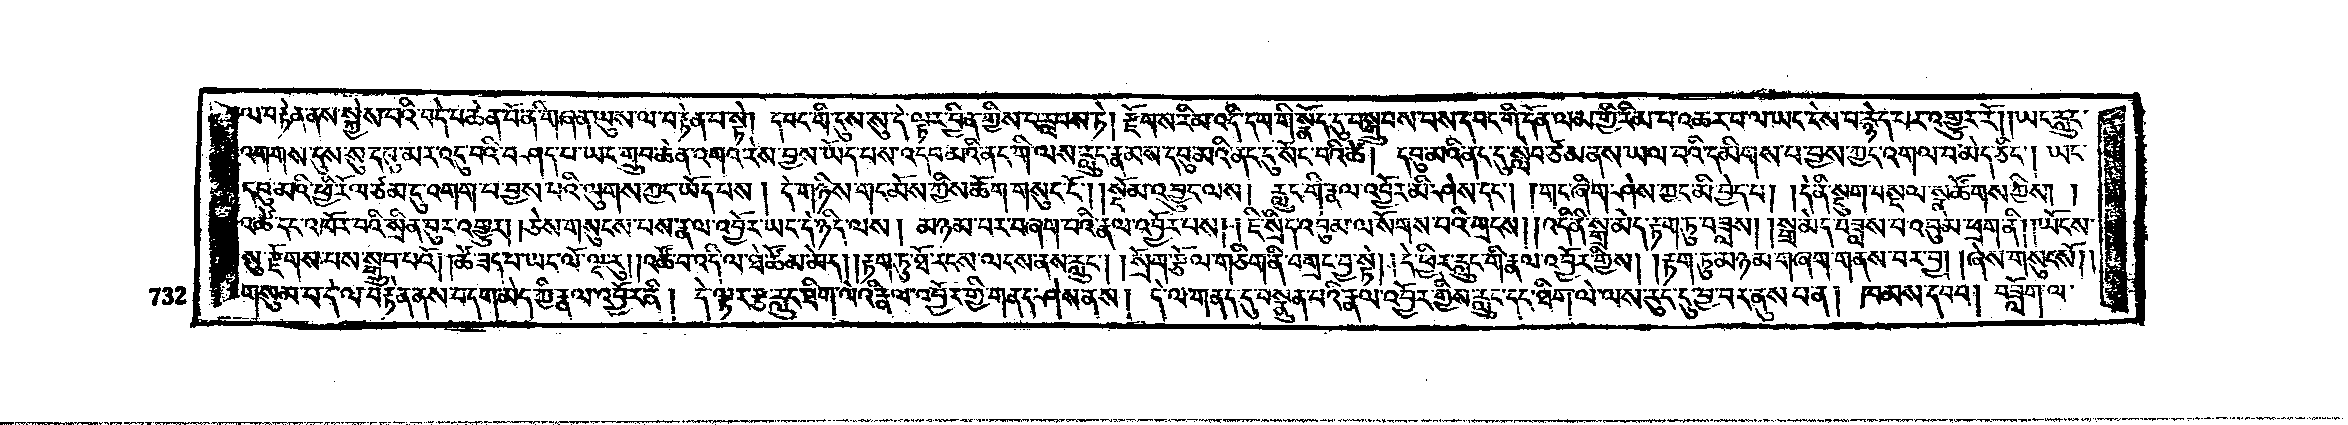ལ་བརྟེན་ནས་སྐྱེས་པའི་བདེ་བ་ཆེན་པོ་ནི་གཞན་ལུས་ལ་བརྟེན་པ་སྟེ། དབང་གི་དུས་སུ་དེ་ལྟར་བྱིན་གྱིས་བརླབས་ཏེ། རྫོགས་རིམ་འདི་དག་གི་སྣོད་དུ་བསྒྲུབས་པས་དབང་གི་དོན་ལམ་གྱི་རིམ་པ་འཆར་བ་ལ་ཡང་ངེས་པ་རྙེད་པར་འགྱུར་རོ། །ཡང་རླུང་
འགགས་དུས་སུ་དབུ་མར་འདུ་བའི་བཤད་པ་ཡང་གྲུབ་ཆེན་འགའ་རེས་བྱས་ཡོད་པས་འདབ་མའི་ནང་གི་ལས་རླུང་རྣམས་དབུ་མའི་ནང་དུ་སོང་བའི་ཚེ། དབུ་མའི་ནང་དུ་སླེབ་ཙམ་ནས་ཡལ་བའི་དམིགས་པ་བྱས་ཀྱང་འགལ་བ་མེད་ཅིང་། ཡང་
དབུ་མའི་ཕྱི་རོལ་ཙམ་དུ་འགག་པ་བྱས་པའི་ལུགས་ཀྱང་ཡོད་པས། དེ་གཉིས་གང་མོས་ཀྱིས་ཆོག་གསུང་ངོ། །སྡོམ་འབྱུང་ལས། རླུང་གི་རྣལ་འབྱོར་མི་ཤེས་དང་། །གང་ཞིག་ཤེས་ཀྱང་མི་བྱེད་པ། །དེ་ནི་སྡུག་བསྔལ་སྣ་ཚོགས་ཀྱིས། །
འཚེ་དང་འཁོར་བའི་སྲིན་བུར་འགྱུར། །ཅེས་གསུངས་པས་རྣལ་འབྱོར་ཡང་དེ་ཉིད་ལས། མཉམ་པར་བཞག་པའི་རྣལ་འབྱོར་བས། །ཇི་སྲིད་འབུམ་ལ་སོགས་པའི་གྲངས། །འདི་ནི་སྒྲ་མེད་རྟག་ཏུ་བཟླས། །སྒྲ་མེད་བཟླས་པ་འབུམ་ཕྲག་ནི། །ཡོངས་
སུ་རྫོགས་པས་སྒྲུབ་པའོ། །ཚེ་ཟད་པ་ཡང་ལོ་ལྔ་རུ། །འཚོ་བ་འདི་ལ་ཐེ་ཚོམ་མེད། །རྟག་ཏུ་ཐོ་རངས་ལངས་ནས་རླུང་། །སྲོག་རྩོལ་གཅིག་ནི་བགྲང་བྱ་སྟེ། །དེ་ཕྱིར་རླུང་གི་རྣལ་འབྱོར་གྱིས། །རྟག་ཏུ་མཉམ་གཞག་གནས་པར་བྱ། །ཞེས་གསུངས་སོ། །
གསུམ་པ་དེ་ལ་བརྟེན་ནས་བདག་མེད་ཀྱི་རྣལ་འབྱོར་ནི། དེ་ལྟར་རྩ་རླུང་ཐིག་ལེའི་རྣལ་འབྱོར་གྱི་གནད་ཤེས་ནས། དེ་ལ་གནད་དུ་བསྣུན་པའི་རྣལ་འབྱོར་གྱིས་རླུང་དང་ཐིག་ལེ་ལས་རུང་དུ་བྱ་བར་ནུས་པ་ན། ཁམས་དབབ། བཟློག་ལ་